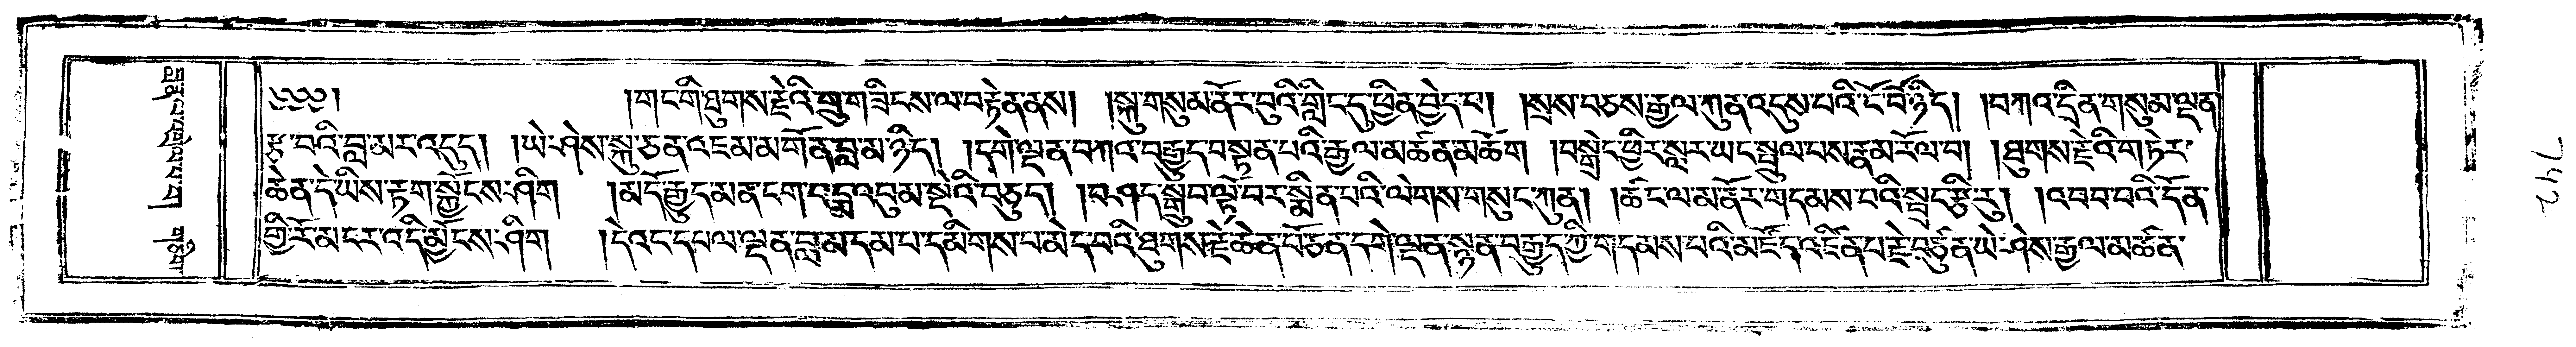༄༅༅། །གང་གི་ཐུགས་རྗེའི་གྲུ་གཟིངས་ལ་བརྟེན་ནས། །སྐུ་གསུམ་ནོར་བུའི་གླིང་དུ་ཕྱིན་བྱེད་པ། །སྲས་བཅས་རྒྱལ་ཀུན་འདུས་པའི་ངོ་བོ་ཉིད། །བཀའ་དྲིན་གསུམ་ལྡན་
རྩ་བའི་བླ་མར་འདུད། །ཡེ་ཤེས་སྐུ་ཅན་འཇམ་མགོན་བླ་མ་ཉིད། །དགེ་ལྡན་བཀའ་བརྒྱུད་བསྟན་པའི་རྒྱལ་མཚན་མཆོག །བསྒྲེང་ཕྱིར་སླར་ཡང་སྦྲུལ་པས་རྣམ་རོལ་པ། །ཐུགས་རྗེའི་གཏེར་
ཆེན་དེ་ཡིས་རྟག་སྐྱོང་ཤིག །མདོ་རྒྱུད་མན་ངག་པདམ་འབུམ་སྡེའི་བཅུད། །བཤད་སྒྲུབ་ལྟོ་བར་སྨིན་པའི་ལེགས་གསུང་ཀུན། །ཚང་ལ་མ་ནོར་གདམས་པའི་སྦྲང་རྩི་རུ། །འབབ་པའི་དོན་
གྱི་རོ་མངར་འདི་མྱོངས་ཤིག །དེའང་དཔལ་ལྡན་བླ་མ་དམ་པ་དམིགས་པ་མེད་པའི་ཐུགས་རྗེ་ཆེན་པོ་ཅན་དགེ་ལྡན་སྙན་བརྒྱུད་ཀྱི་གདམས་པའི་མཛོད་འཛིན་པ་རྗེ་བཙུན་ཡེ་ཤེས་རྒྱལ་མཚན་